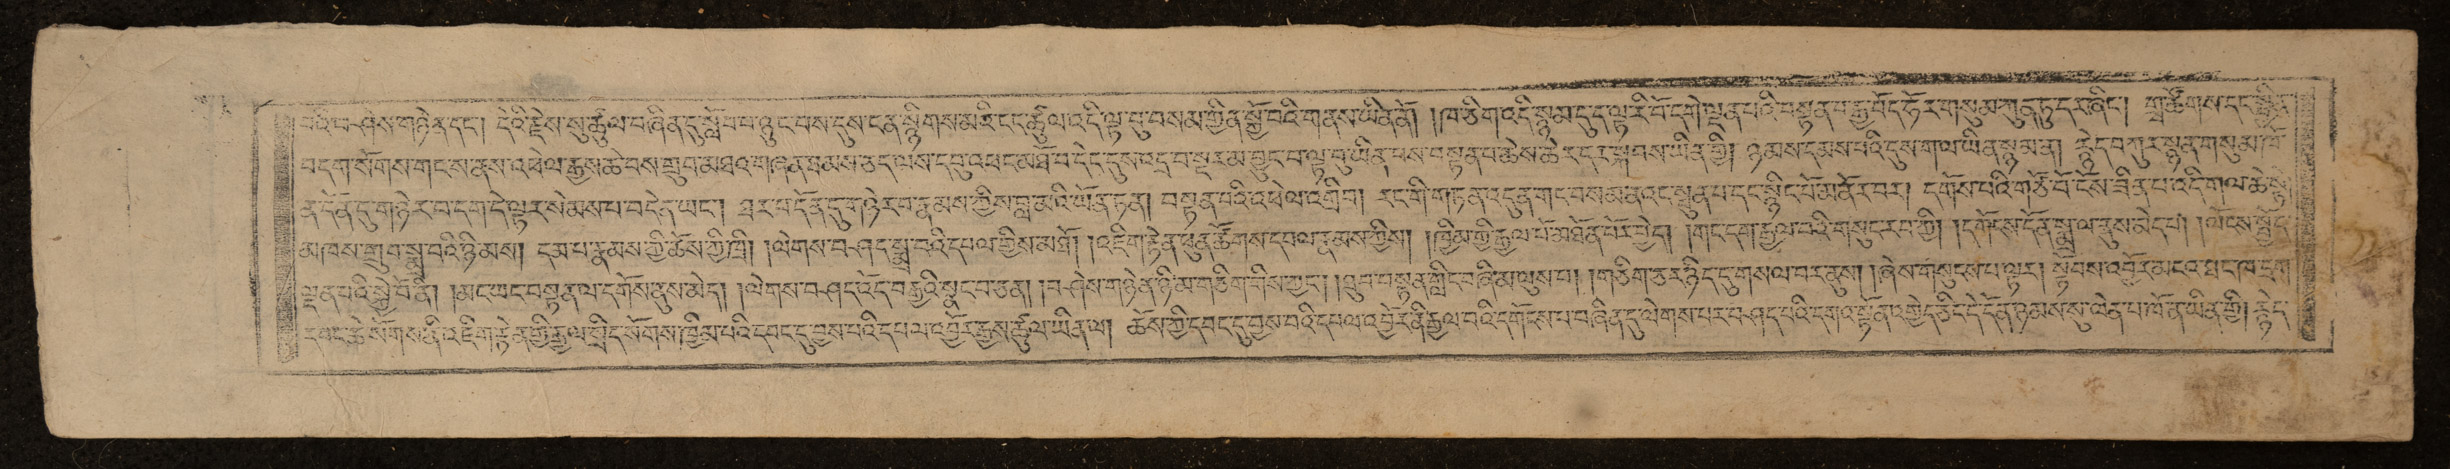བའི་བཤེས་གཉེན་དང་། དེའི་རྗེས་སུ་ཚུལ་སུ་བཞིན་དུ་སློབ་པ་ཉུང་བས་དུས་དན་སྙིགས་མའི་ངང་ཚུལ་འདི་ལྟ་བུ་བསམ་གྱིན་སྐྱོ་བའི་གནས་ཡིན་ནོ། །ཁ་ཅིག་འདི་སྙམ་དུ་ད་ལྟ་རི་བོ་དགེ་ལྡན་པའི་བསྟན་པ་རྒྱ་བོད་ཧོར་གསུམ་ཀུན་ཏུ་དར་ཞིང་། གྲྭ་ཚོགས་དང་སྦྱིན་
བདག་སོགས་གང་ས་ནས་འཕེལ་རྒྱས་ཆེ་བས་གྲུབ་མཐའ་གཞན་ཐམས་ཅད་ལས་དབུ་འཕང་མཐོ་བ་དེང་དུས་འདྲ་བ་སྔར་མ་བྱུང་བ་ལྟ་བུ་ཡིན་པས་བསྟན་པ་ཆེས་ཆེར་དར་སྐབས་ཡིན་གྱི། ཉམས་དམས་པའི་དུས་ག་ལ་ཡིན་སྙམ་ན། རྙེད་བཀུར་སྙན་གསུམ་ཁོ་
ན་དོན་དུ་གཉེར་བ་དག་དེ་ལྟར་སེམས་པ་བདེན་ཡང་། ཐར་པ་དོན་དུ་གཉེར་བ་རྣམས་ཀྱིས་བླ་མའི་ཡོན་ཏན། བསྟན་པའི་འཕེལ་འགྲིབ། རང་གི་གཏན་འདུན་གང་བསམ་ནའང་སྦུན་པ་དང་སྙིང་པོ་མནོར་བར། དགོས་པའི་གཙོ་བོ་ངོས་ཟིན་པ་འདི་གལ་ཆེ་སྟེ།
མཁས་གྲུབ་སྨྲ་བའི་ཉི་མས། དམ་པ་རྣམས་ཀྱི་ཆོས་ཀྱི་ཁྲི། །ལེགས་བཤད་སྨྲ་བའི་དཔལ་གྱིས་མཐོ། །འཇིག་རྟེན་ཕུན་ཚོགས་དཔལ་རྣམས་ཀྱིས། །ཁྱིམ་གྱི་རྒྱལ་པོ་མཐོན་པོར་བྱེད། །གང་དག་རྒྱལ་བའི་གསུང་རབ་ཀྱི། །དགོངས་དོན་སྨྲ་ལ་ནུས་མེད་པ། །ལོངས་སྤྱོད་
ལྡན་པའི་སྐྱོ་བོ་ནི། །མང་ཡང་བསྟན་ལ་དགོས་ནུས་མེད། །ལེགས་བཤད་འོད་བརྒྱའི་སྣང་བ་ཅན། །བཤེས་གཉེན་ཉི་མ་གཅིག་གིས་ཀྱང་། །ཐུབ་བསྟན་གླིང་བཞི་མ་ལུས་པ། །ཅིག་ཅར་ཉིད་དུ་གསལ་བར་ནུས། །ཞེས་གསུངས་པ་ལྟར། སྟོབས་འབྱོར་མངའ་ཐང་ཁ་དྲག་
དབང་ཆེ་སོགས་ནི་འཇིག་རྟེན་གྱི་རྒྱལ་སྲིད་སོགས་ཁྱིམ་པའི་དབང་དུ་བྱས་པའི་དཔལ་འབྱོར་རྒྱས་ཚུལ་ཡིན་ལ། ཆོས་ཀྱི་དབང་དུ་བྱས་པའི་དཔལ་འབྱོར་ནི་རྒྱལ་བའི་དགོངས་པ་བཞིན་དུ་ལེགས་པར་བཤད་པའི་དགའ་སྟོན་འགྱེད་ཅིང་དེ་དོན་ཉམས་སུ་ལེན་པ་ཁོན་ཡིན་གྱི། རྙེད་